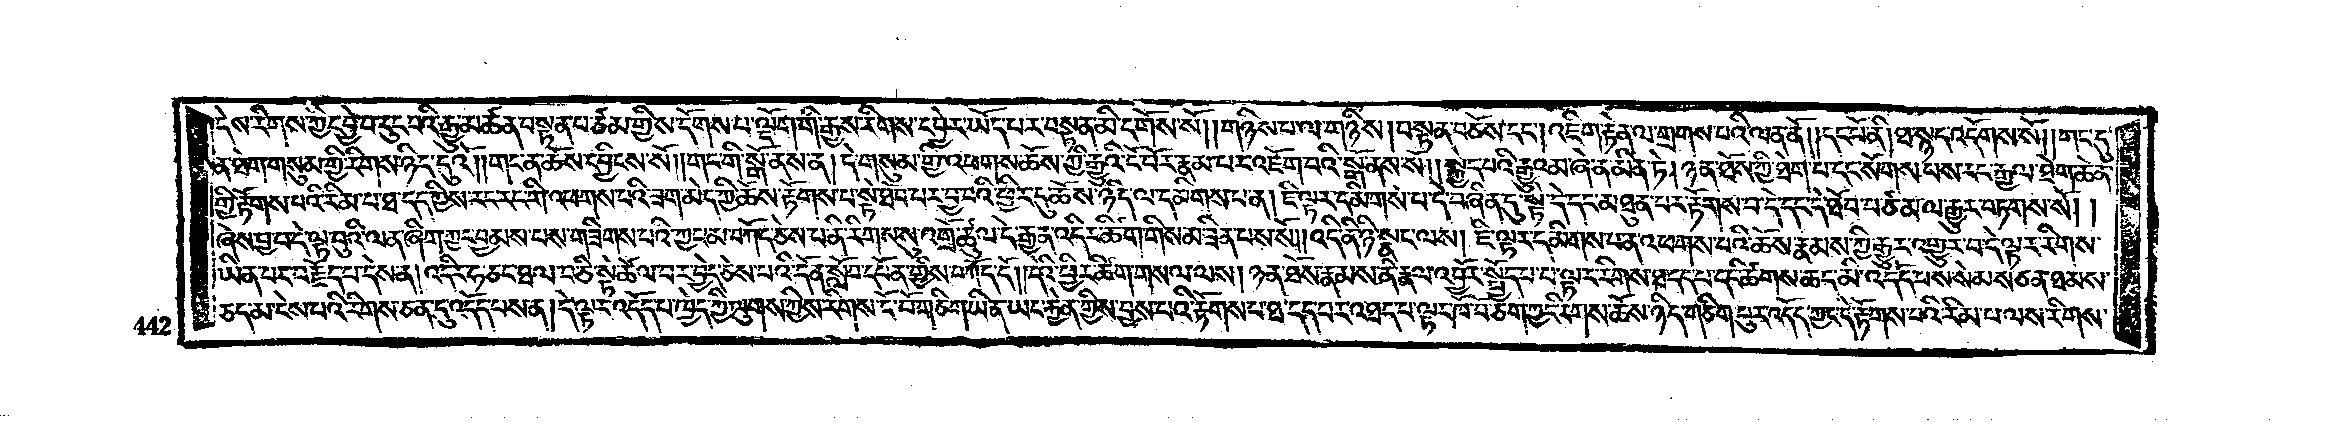དེས་རིགས་ཀྱི་དབྱེ་བ་རུང་བའི་རྒྱུ་མཚན་བསྟན་པ་ཙམ་གྱིས་དོགས་པ་ལྡོག་གི་རྒྱས་རིགས་དབྱེར་ཡོད་པར་བསྟན་མི་དགོས་སོ། །གཉིས་པ་ལ་གཉིས། བསྟན་བཅོས་དང་། འཇིག་རྟེན་ལ་གྲགས་པའི་ལན་ནོ། །དང་པོ་ནི། ཐ་སྙད་འདོགས་སོ། །གང་དུ་
ན་ཐེག་གསུམ་གྱི་རིགས་ཉིད་དུའོ། །གང་ན་ཆོས་དབྱིངས་སོ། །གང་གི་སྒོ་ནས་ན། དེ་གསུམ་གྱི་འཕགས་ཆོས་ཀྱི་རྒྱུའི་ངོ་བོར་རྣམ་པར་འཇོག་པའི་སྒོ་ནས་སོ། །སྐྱེད་པའི་རྒྱུའམ་ཞེ་ན་མིན་ཏེ། ཉན་ཐོས་ཀྱི་ཐེག་པ་དང་སོགས་པས་རང་རྒྱལ་ཐེག་ཆེན་
གྱི་རྟོགས་པའི་རིམ་པ་ཐ་དད་ཀྱིས་རང་རང་གི་འཕགས་པའི་ཟག་མེད་ཀྱི་ཆོས་རྟོགས་པ་སྟེ་ཐོབ་པར་བྱ་བའི་ཕྱིར་དུ་ཆོས་ཉིད་ལ་དམིགས་པ་ན། ཇི་ལྟར་དམིགས་པ་དེ་བཞིན་དུ་སྟེ་དེ་དང་མཐུན་པར་རྟོགས་པ་དེ་དང་དེ་ཐོབ་པ་ཙམ་ལ་རྒྱུར་བཏགས་སོ། །
ཞེས་བྱ་བ་དེ་ལྟ་བུའི་ལན་ཞིག་ཀྱང་བྱམས་པས་གཟིགས་པའི་ཀྱང་མ་བཀོད་ཅེས་པ་ནི་རིགས་སུ་འགྲོ་ཚུལ་དེ་རྒྱན་འདིར་ཚིག་གིས་མ་ཟིན་པས་སོ། །འདི་ནི་ཉི་སྣང་ལས། ཇི་ལྟར་དམིགས་པ་ན་འཕགས་པའི་ཆོས་རྣམས་ཀྱི་རྒྱུར་འགྱུར་བ་དེ་ལྟར་རིགས་
ཡིན་པར་བརྗོད་པ་དེས་ན། འདིར་ཧ་ཅང་ཐལ་བ་ཅི་སྟེ་ཚོལ་བར་བྱེད་ཅེས་པའི་དོན་སློབ་དཔོན་གྱིས་བཀོད་དོ། །དེའི་ཕྱིར་ཚིག་གསལ་ལས། ཉན་ཐོས་རྣམས་ནི་རྣལ་འབྱོར་སྤྱོད་པ་པ་ལྟར་རིགས་ཐ་དད་པ་དང་ཚིགས་ཆད་མི་འདོད་པས་སེམས་ཅན་ཐམས་
ཅད་མ་ངེས་པའི་རིགས་ཅན་དུ་འདོད་པས་ན། དེ་ལྟར་འདོད་པ་ཁྱེད་ཀྱི་ལུགས་ཀྱིས་རིགས་ངོ་བོ་གཅིག་ཡིན་ཡང་རྐྱེན་གྱིས་བྱས་པའི་རྟོགས་པ་ཐ་དད་པར་འཐད་པ་ལྟར་ཁོ་བོ་ཅག་ཀྱང་རིགས་ཆོས་ཉིད་གཅིག་པུར་འདོད་ཀྱང་དེ་རྟོགས་པའི་རིམ་པ་ལས་རིགས་